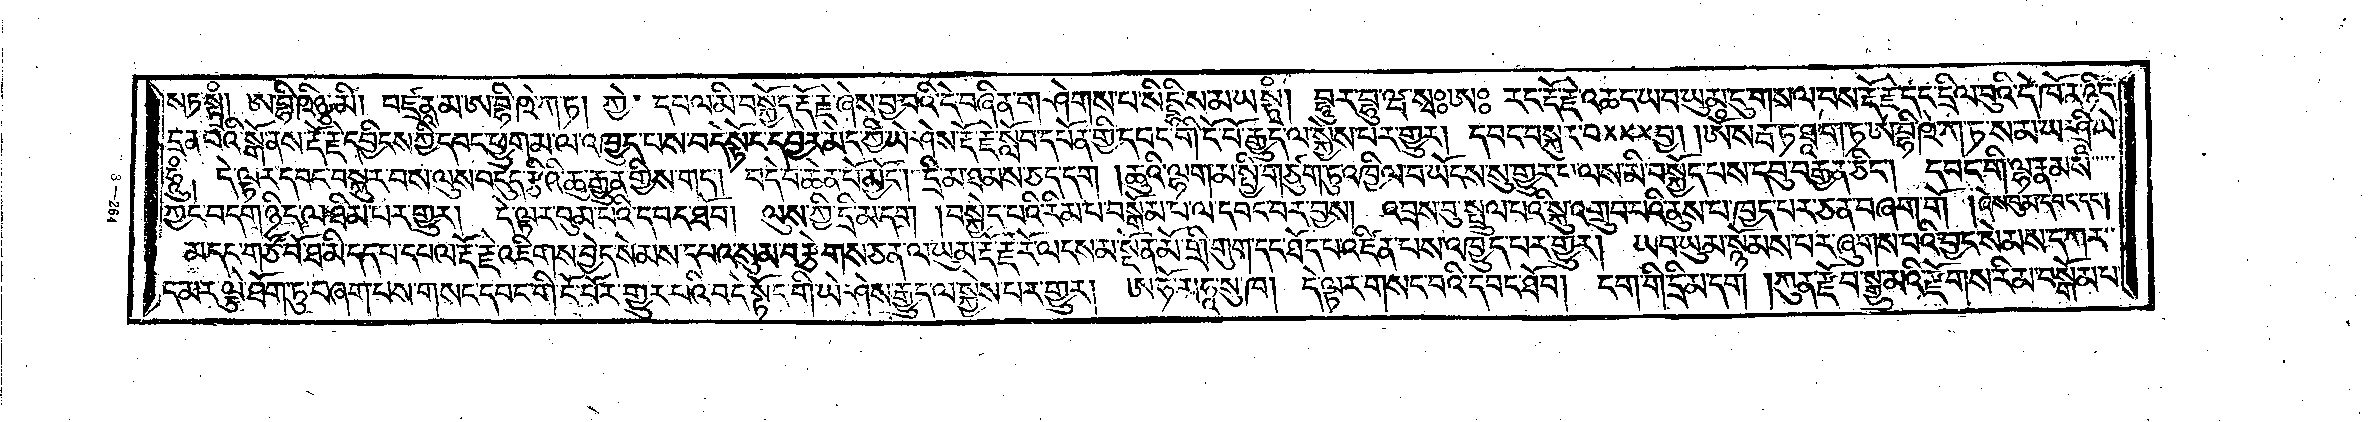སཏ་སྤྲཾ། ཨ་བྷི་ཥིཉྩ་མི། བཛྲ་ནཱ་མ་ཨ་བྷི་ཥེ་ཀ་ཏ། ཀྱེ་དཔལ་མི་བསྐྱོད་རྡོ་རྗེ་ཞེས་བྱ་བའི་དེ་བཞིན་གཤེགས་པ་སིདྡྷི་ས་མ་ཡ་སྟྭཾ། བྷཱུ་ར་བྷཱུ་ཝ་སྭཿཨཿ རང་རྡོ་རྗེ་འཆང་ཡབ་ཡུམ་དུ་གསལ་བས་རྡོ་རྗེ་དང་དྲིལ་བུའི་དེ་ཁོ་ན་ཉིད་
དྲན་པའི་སྒོ་ནས་རྡོ་རྗེ་དབྱིངས་ཀྱི་དབང་ཕྱུག་མ་ལ་འཁྱུད་པས་བདེ་སྟོང་དབྱེར་མེད་ཀྱི་ཡེ་ཤེས་རྡོ་རྗེ་སློབ་དཔོན་གྱི་དབང་གི་ངོ་བོ་རྒྱུད་ལ་དེ་སྐྱེས་པར་གྱུར། དབང་བསྐུར་བ་྾྾྾་བྱ། །ཨོཾ་སརྦ་ཏ་ཐཱ་ག་ཏ་ཨ་བྷི་ཥེ་ཀ་ཏ་ས་མ་ཡ་ཤྲཱི་ཡེ་
ཧཱུཾ། དེ་ལྟར་དབང་བསྐུར་བས་ལུས་བདུད་རྩིའི་ཆུ་རྒྱུན་གྱིས་གད། བདེ་བ་ཆེན་པོ་མྱོང་། དྲི་མ་ཐམས་ཅད་དག །ཆུའི་ལྷག་མ་སྤྱི་གཙུག་ཏུ་འཁྱིལ་བ་ཡོངས་སུ་གྱུར་པ་ལས་མི་བསྐྱོད་པས་དབུ་བརྒྱན་ཅིང་། དབང་གི་ལྷ་རྣམས་
ཀྱང་བདག་ཉིད་ལ་ཐིམ་པར་གྱུར། དེ་ལྟར་བུམ་པའི་དབང་ཐོབ། ལུས་ཀྱི་དྲི་མ་དག །བསྐྱེད་པའི་རིམ་པ་བསྒོམ་པ་ལ་དབང་བར་བྱས། འབྲས་བུ་སྤྲུལ་པའི་སྐུ་འགྲུབ་པའི་ནུས་པ་ཁྱད་པར་ཅན་བཞག་གོ་།ཞེས་བུམ་དབང་དང་།
མ་དང་གཙོ་བོ་ཐ་མི་དད་པ་དཔལ་རྡོ་རྗེ་འཇིགས་བྱེད་སེམས་དཔའ་སུམ་བརྩེགས་ཅན་ལ་ཡུམ་རྡོ་རྗེ་ལངས་མ་སྔོན་མོ་གྲི་གུག་དང་ཐོད་པ་འཛིན་པས་འཁྱུད་པར་གྱུར། ཡབ་ཡུམ་སྙོམས་པར་ཞུགས་པའི་བྱང་སེམས་དཀར་
དམར་ལྕེ་ཐོག་ཏུ་བཞག་པས་གསང་དབང་གི་ངོ་བོར་གྱུར་པའི་བདེ་སྟོང་གི་ཡེ་ཤེས་རྒྱུད་ལ་སྐྱེས་པར་གྱུར། ཨ་ཧོ་མཧཱ་སུ་ཁ། དེ་ལྟར་གསང་བའི་དབང་ཐོབ། ངག་གི་དྲི་མ་དང་།ཀུན་རྫོབ་སྒྱུ་མའི་རྫོགས་རིམ་བསྒོམ་པ་